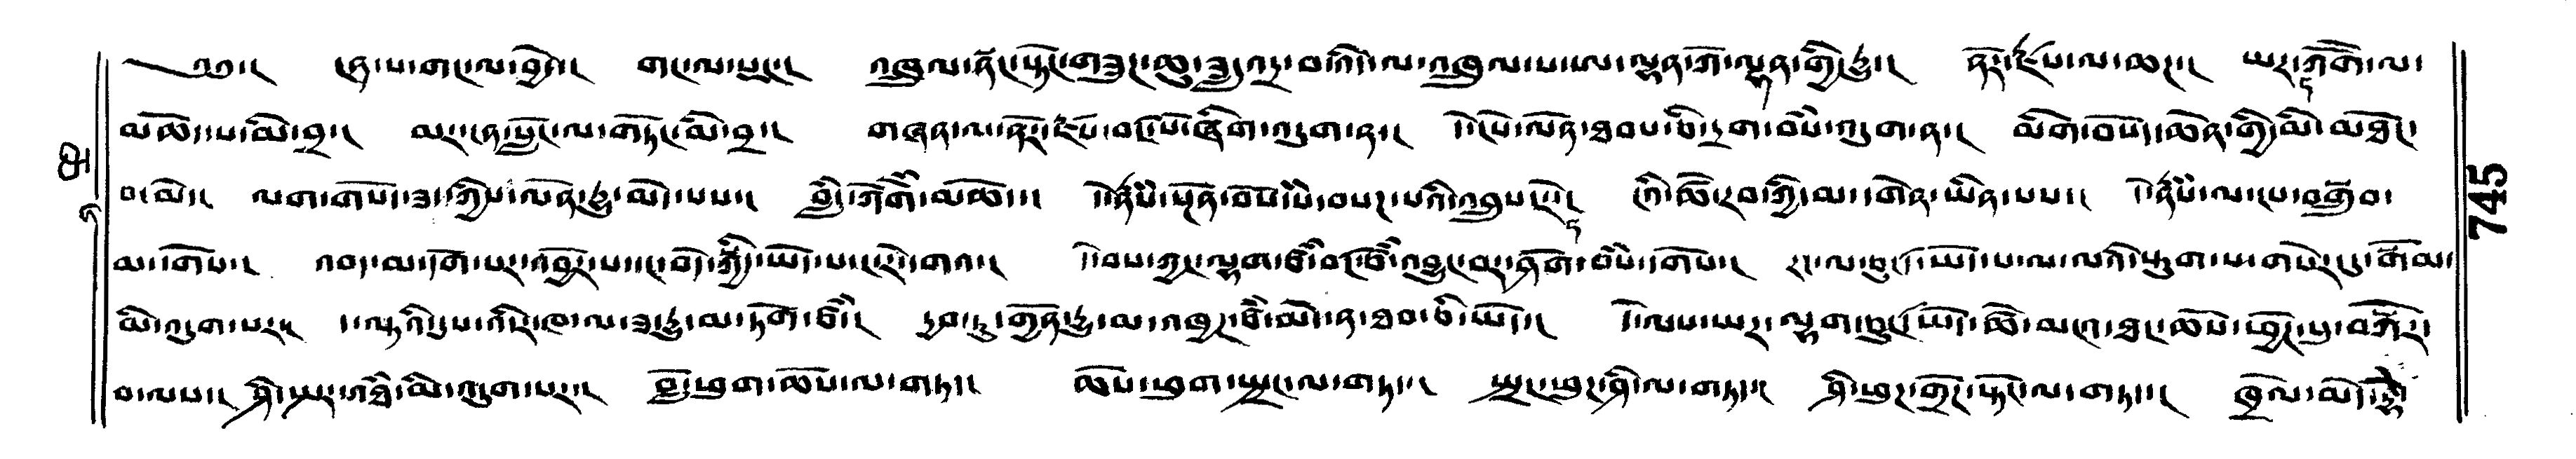ངན་པ་གང་ལ་བྱེད། གང་ལ་སྡང་། འཁྲུལ་སྣང་སྟོང་གཟུགས་ཆུ་ཟླ་འདྲ་བ་འདི་ལ། འཁྲུལ་པ་ཨ་ལྷན་ཀོ་ལྷན་གྱི་རྒྱུ་ནོར་རྫས་ལ་ཆགས། ཡར་དཀོན་མཆོག་ལ་
མཆོད་པ་མི་བྲ། མར་ངན་སློང་ལ་གཏོང་མི་བྲ། གཞན་ལ་ནོར་རྫས་བཟང་པོ་ཞིག་འདུག་ན། དེ་ངས་ལོན་ཐབས་ཅི་དྲག་བསམ་འདུག་ན། མིག་བསོད་ཆེན་གྱི་མི་མཐོང་
བ་མེད། ལག་གསོད་ཟད་ཀྱིས་ལེན་རྒྱུ་མེད་པས། བླ་མ་དཀོན་མཆོག་མཆོད། དེ་རྣམས་སྔོན་བསོད་ནམས་བསགས་པའི་འབྲས་བུ་སྟེ། ངའི་ཚེ་རབས་ཀྱི་མ་རྒན་ཡིན་པས། དེ་རྣམས་ལ་ངས་བསྒྲུབ་
མ་དགོས། འབད་མ་དགོས་པར་འབྱོར་པ་དང་བདེ་སྐྱིད་ཡོད་པ་ང་རེ་དགའ། དེ་བས་ཀྱང་ལྷག་ཙམ་བཟང་ཙམ་འབྱུང་བར་ཤོག་བསམ་དགོས། རང་ལ་ཅུང་ཟད་ཡོད་པ་ལི་ལིའི་སྟུག་པ་གསེར་དུ་སྒོམ་
མི་འདུག་པར། ད་ལྟའི་དུས་འདིར་ཁ་ལ་ཟ་རྒྱུ་མ་ལྟོག་ཙམ། རྒྱབ་ཏུ་གྱོན་རྒྱུ་མ་འཁྱགས་ཙམ་མེད་ན་ཐབས་ཅི་ཡོད། དེ་ལས་ཡར་ལྷག་ཅུང་ཟད་ཡོད་ཚེ་མངའ་ཐང་ཆོས་ཕྱོགས་སུ་བསྐོར་
བ་ལས། ཤི་སྤར་འཐམ་མི་འདུག་པར། བློ་ཕུག་ཆོས་ལ་གཏད། ཆོས་ཕུག་སྤྲང་ལ་གཏད། སྤྲངས་ཕུགས་ཤི་ལ་གཏད། ཤི་ཕུགས་གྲོག་སྟོང་ལ་གཏད། ཁྲེལ་མེད་རྡོ་རྗེ་